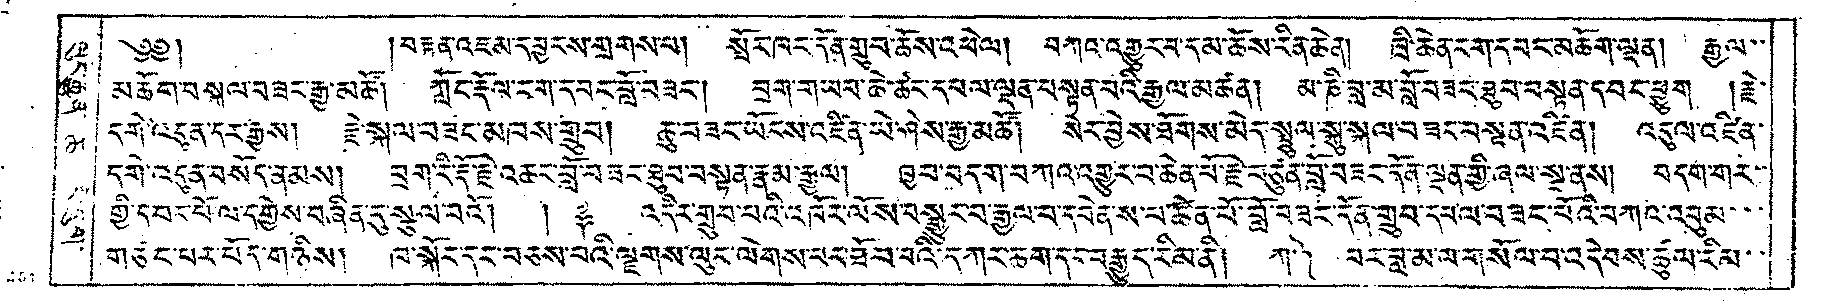༄༅། །བརྟན་འཇམ་དབྱངས་གྲགས་པ། སྤོར་ཁང་དོན་གྲུབ་ཆོས་འཕེལ། བཀའ་འགྱུར་བ་དམ་ཆོས་རིན་ཆེན། ཁྲི་ཆེན་ངག་དབང་མཆོག་ལྡན། རྒྱལ་
མཆོག་བསྐལ་བཟང་རྒྱ་མཚོ། ཀློང་རྡོལ་ངག་དབང་བློ་བཟང་། བྲག་གཡབ་ཆེ་ཚང་དཔལ་ལྡན་བསྟན་པའི་རྒྱལ་མཚན། མ་ཎི་བླ་མ་བློ་བཟང་ཐུབ་བསྟན་དབང་ཕྱུག །རྗེ་
དགེ་འདུན་དར་རྒྱས། རྗེ་སྐལ་བཟང་མཁས་གྲུབ། ཆུ་བཟང་ཡོངས་འཛིན་ཡེ་ཤེས་རྒྱ་མཚོ། སེར་བྱེས་ཐོགས་མེད་སྤྲུལ་སྐུ་སྐལ་བཟང་བསྟན་འཛིན། འདུལ་འཛིན་
དགེ་འདུན་བསོད་ནམས། བྲག་རི་རྡོ་རྗེ་འཆང་བློ་བཟང་ཐུབ་བསྟན་རྣམ་རྒྱལ། ཁྱབ་བདག་བཀའ་འགྱུར་བ་ཆེན་པོ་རྗེ་བཙུན་བློ་བཟང་དོན་ལྡན་གྱི་ཞལ་སྔ་ནས། བདག་གར་
གྱི་དབང་པོ་ལ་དགྱེས་བཞིན་དུ་སྩལ་བའོ། ། ༈ འདིར་གྲུབ་པའི་འཁོར་ལོས་བསྒྱུར་བ་རྒྱལ་བ་དབེན་ས་པ་ཆེན་པོ་བློ་བཟང་དོན་གྲུབ་དཔལ་བཟང་པོའི་བཀའ་འབུམ་
གཙང་པར་པོད་གཉིས། ཁ་སྐོང་དང་བཅས་པའི་ལྗགས་ལུང་ལེགས་པར་ཐོབ་པའི་དཀར་ཆག་དང་བརྒྱུད་རིམ་ནི། ཀ྄་པར་བླ་མ་ལ་གསོལ་བ་འདེབས་ཚུལ་རིམ་